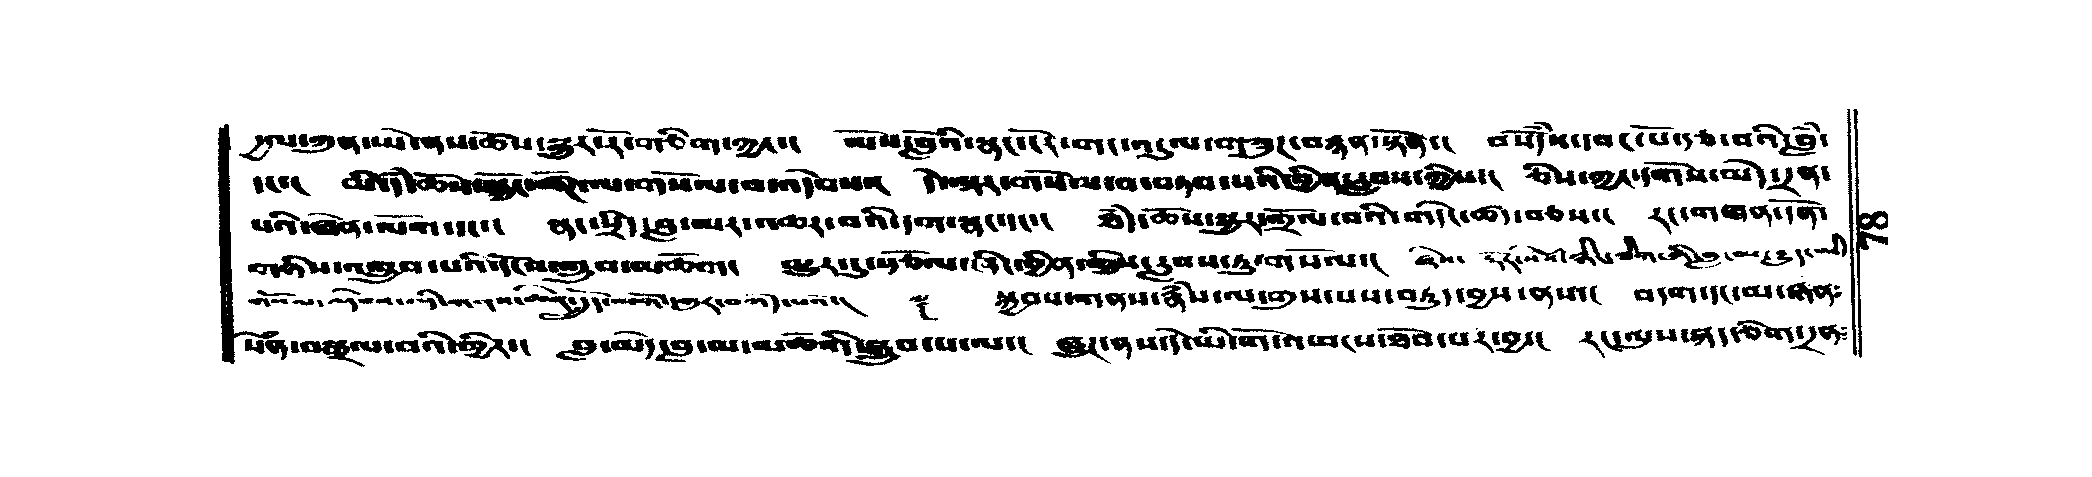།རྒྱལ་ཀུན་ཡེ་ནས་ཆོས་སྐུར་རོ་གཅིག་ཀྱང་། །མོས་བློའི་སྣང་ངོར་གང་འདུལ་གཟུགས་བརྙན་སྟོན། །བསོད་ནམས་དབང་པོ་རྩ་བའི་བླ་མ་
དང་། །ཡི་དམ་ཆོས་སྐྱོང་ཚོགས་ལ་གསོལ་བ་འདེབས། །དེ་ལྟར་གསོལ་བ་བཏབ་པའི་བྱིན་རླབས་ཀྱིས། །ཅིས་ཀྱང་དགོས་མེད་དྲན་
པའི་ཞེན་ལོག་དང་། །སྣང་སྲིད་བླ་མར་འཆར་བའི་དག་སྣང་དང་། །ཐམས་ཅད་ཆོས་སྐུར་གྲོལ་བའི་གདེང་ཚད་བཅས། །རང་གཞན་དོན་
གཉིས་འགྲུབ་པའི་དངོས་གྲུབ་མཆོག །མྱུར་དུ་སྩོལ་ཞིང་བྱིན་གྱིས་བརླབ་ཏུ་གསོལ། ཞེས་རྡོར་སེམས་སྙིང་ཐིག་གི་བླ་མ་བརྒྱུད་པའི་
གསོལ་འདེབས་འདི་གནས་ཆེན་དུར་ཁྲོད་འགོ་དགུར་བཀོད་པའོ།། ༈ སྐྱབས་གནས་རྣམས་ལ་གུས་པས་བཏུད་བྱས་ནས། །བདག་དང་མ་རྒན་
སེམས་ཅན་བསྒྲལ་བའི་ཕྱིར། །བླ་མེད་བླ་མ་མཆོག་གི་སྒྲུབ་པ་ལ། །ཞུགས་ནས་དེ་ཡི་གོ་འཕང་ཐོབ་པར་བྱ། །རང་ལུས་སྐད་ཅིག་དྲན་